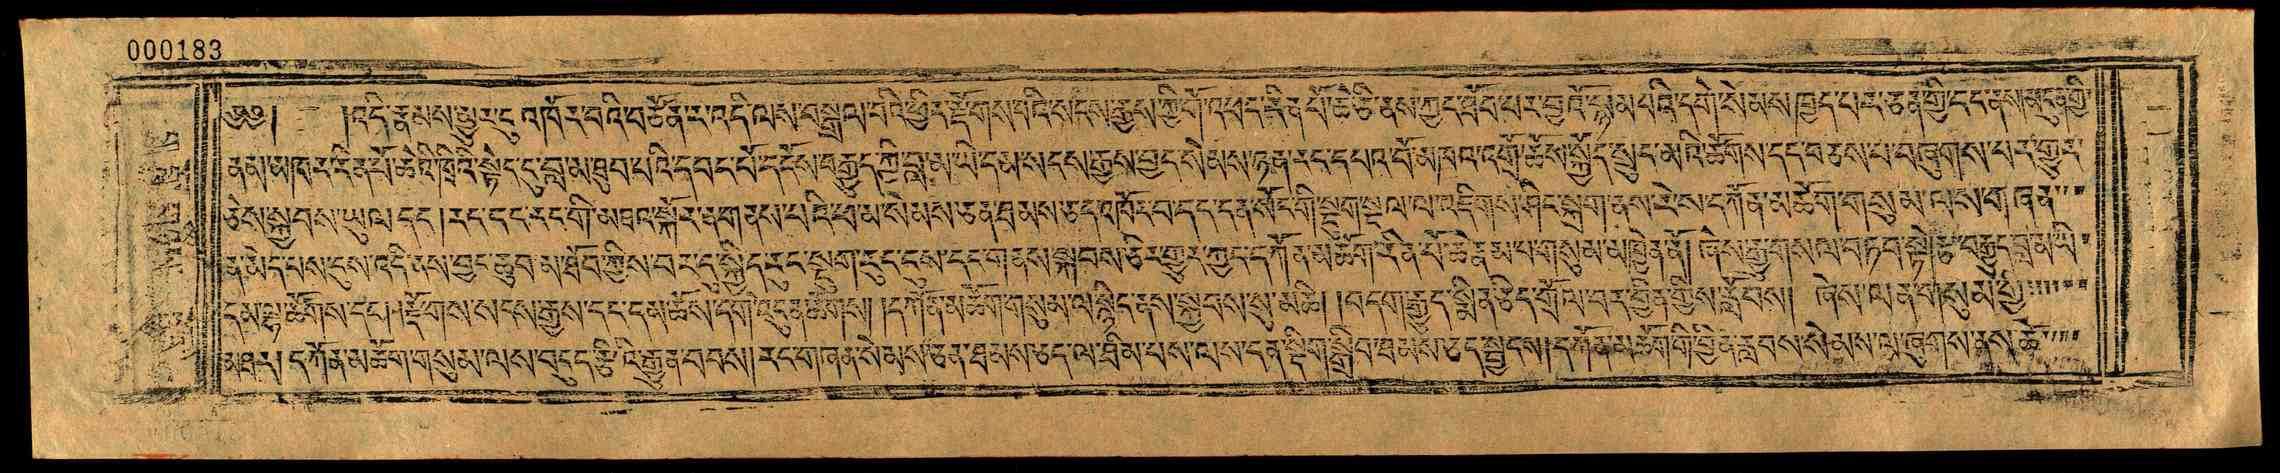༄༅། །འདི་རྣམས་མྱུར་དུ་འཁོར་བའི་བཙོན་ར་འདི་ལས་བསྒྲལ་བའི་ཕྱིར་རྫོགས་པའི་སངས་རྒྱས་ཀྱི་གོ་འཕང་རིན་པོ་ཆེ་ཅི་ནས་ཀྱང་ཐོབ་པར་བྱའོ་སྙམ་པའི་དགེ་སེམས་ཁྱད་པར་ཅན་གྱི་ངང་ནས། མདུན་གྱི་
ནམ་མཁར་རིན་པོ་ཆེའི་ཁྲིའི་སྟེང་དུ་བླ་མ་ཐུབ་པའི་དབང་པོ་དངོས་བརྒྱུད་ཀྱི་བླ་མ་ཡི་དམ་སངས་རྒྱས་བྱང་སེམས་ཉན་རང་དཔའ་བོ་མཁའ་འགྲོ་ཆོས་སྐྱོང་སྲུང་མའི་ཚོགས་དང་བཅས་པ་བཞུགས་པར་གྱུར།
ཅེས་སྐྱབས་ཡུལ་དང་། རང་དང་རང་གི་མཐའ་སྐོར་ན་གནས་པའི་ཕམ་སེམས་ཅན་ཐམས་ཅད་འཁོར་བ་དང་ངན་སོང་གི་སྡུག་བསྔལ་ལ་འཇིགས་ཤིང་སྐྲག་ནས་རེས་དཀོན་མཆོག་གསུམ་ལས་གཞན་
ན་མེད་པས་དུས་འདི་ནས་བྱང་ཆུབ་མ་ཐོབ་ཀྱི་བར་དུ་སྐྱིད་རུང་སྡུག་རུང་དུས་དང་གནས་སྐབས་ཅིར་གྱུར་ཀྱང་དཀོན་མཆོག་རིན་པོ་ཆེ་རྣམ་པ་གསུམ་མཁྱེན་ནོ། ཞེས་རྒྱུ་གསལ་བཏབ་སྟེ། རྩ་བརྒྱུད་བླ་མ་ཡི་
དམ་ལྷ་ཚོགས་དང་། །རྫོགས་སངས་རྒྱས་དང་དམ་ཆོས་དགེ་འདུན་ཚོགས། །དཀོན་མཆོག་གསུམ་ལ་སྙིང་ནས་སྐྱབས་སུ་མཆི། །བདག་རྒྱུད་སྨིན་ཅིང་གྲོལ་པར་བྱིན་གྱིས་རློབས། ཞེས་ལན་གསུམ་གྱི་
མཐར། དཀོན་མཆོག་གསུམ་ལས་བདུད་རྩིའི་རྒྱུན་བབས། རང་གཞན་སེམས་ཅན་ཐམས་ཅད་ལ་ཐིམ་པས་ལས་ངན་སྡིག་སྒྲིབ་ཐམས་ཅད་སྦྱངས། དཀོན་མཆོག་གི་བྱིན་རླབས་སེམས་ལ་ཞུགས་ནས་ཚེ་